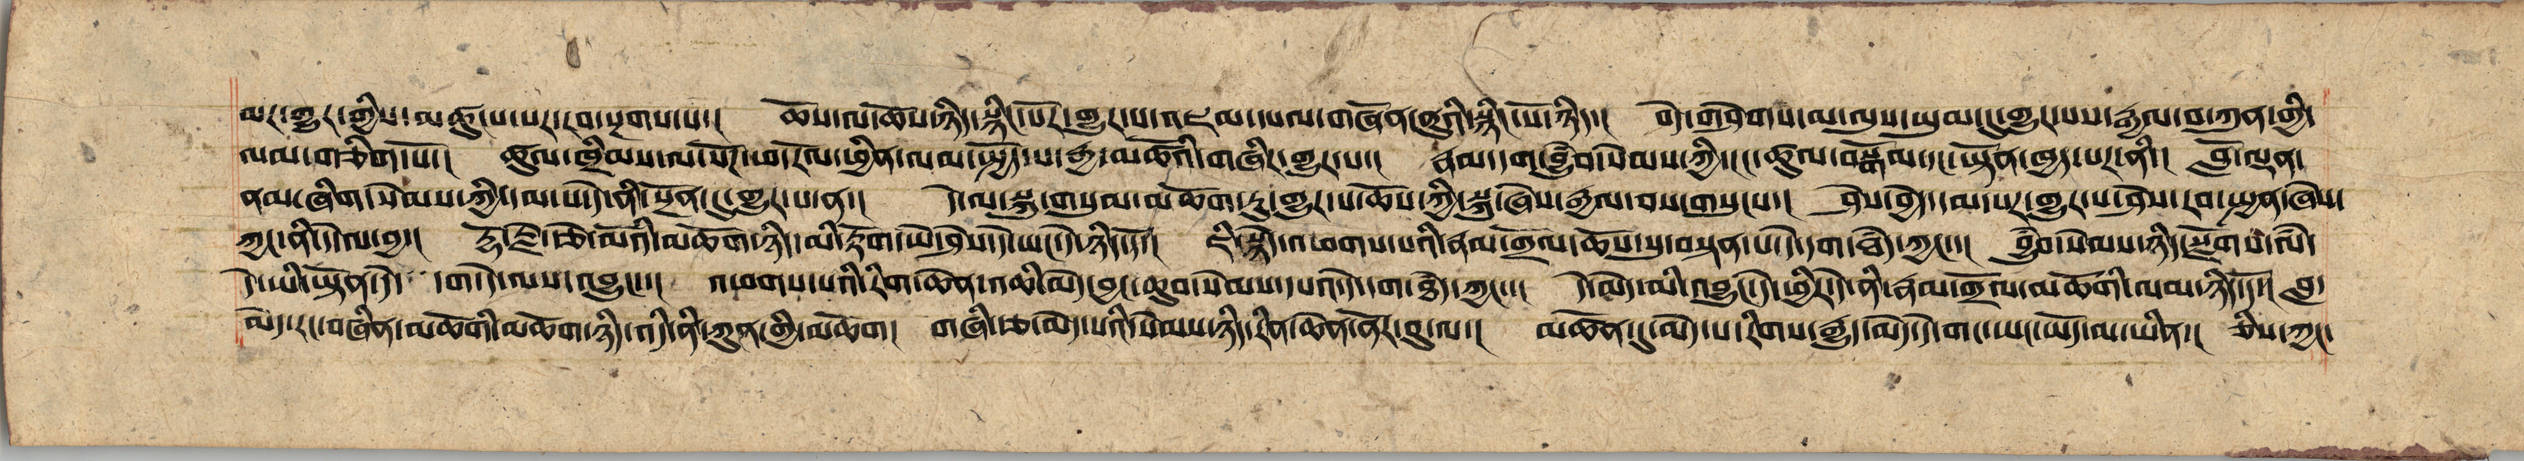མར་གྱུར་གྱིས་མཚུངས་པར་རབ་སྔགས་པ་། ཆོས་ལ་ཆོས་ཉིད་སྙིང་པོར་གྱུར་པ་འཇམ་དཔལ་གཞོན་ནུའི་སྙིང་པོ་ཉིད་། བདེ་གཤེགས་མ་ལུས་ཡུམ་དུ་གྱུར་པས་རྒྱལ་བ་ཀུན་གྱི་
ལམ་གཅིག་པོ་། ཚུལ་ཁྲིམས་ལ་སོཌ་ཕ་རོལ་ཕྱིན་ལམ་སྤྱོད་པ་རྒྱ་མཚོའི་གཞིར་གྱུར་པ་། རྣམ་དག་བྱུཾབ་སེམས་ཀྱི་ངང་ཚུལ་བསྒོམ་དང་ཡྟོན་ཁྱད་པར་ནི་། བློ་ལྡན་
ནམ་ཞིག་སེམས་ཀྱི་དམ་པ་དེ་ནི་སྔོན་དུ་གྱུར་པ་ན་། དེ་ལ་སྐུ་གསུམ་མཆོག་ཏུ་གྱུར་པ་ཆོས་ཀྱི་སྐུ་ཞེས་རྒྱལ་བས་གསུངས་། ཤེས་བྱེད་དམ་པར་གྱུར་པ་ཤེས་རབ་སྤྱན་ཞེས་
ཀྱང་ནི་དེ་ལ་བྱ་། རྡོ་རྗེ་རྩེ་མོའི་མཆོག་ཉིད་མི་རྟོག་ཡེ་ཤེས་དེ་ཡང་དེ་ཉིད་དོ་། ཇི་སྙེད་འཕགས་པའི་རྣམ་གྲོལ་ཆོས་སུ་བསྟན་པ་དེ་དག་ཐཾད་ཀྱང་་། བྱུཾབ་སེམས་ཉིད་སྫོགས་ལཾ་
དེ་ཡི་ཡྟོན་དེ་ དག་དེ་ལས་འབྱུང་་། འཕགས་པའི་རིན་ཆེན་འཆི་མེད་བྱང་ཆུབ་སེམས་དཔའ་དེ་དག་ཐཾད་ཀྱང་་། དེ་མེད་མི་འབྱུང་དེ་ཕྱིར་དེ་ནི་རྣམ་གྲོལ་མཆོགི་ལམ་ཉིད་དོ་། བླ་
མེད་རང་བཞིན་མཆོགི་མཆོག་ཉིད་འདི་ནི་ཀུན་གྱི་མཆོག། གཞི་རྩ་མེད་པའི་སེམས་ཉིད་རིན་ཆེན་ནོར་བུ་ལ་། མཚོན་དུ་མེད་པ་རིགས་རྒྱུད་མེད་དེ་གང་ཡང་ཡོད་མ་ཡིན་། ཅིས་ཀྱང་